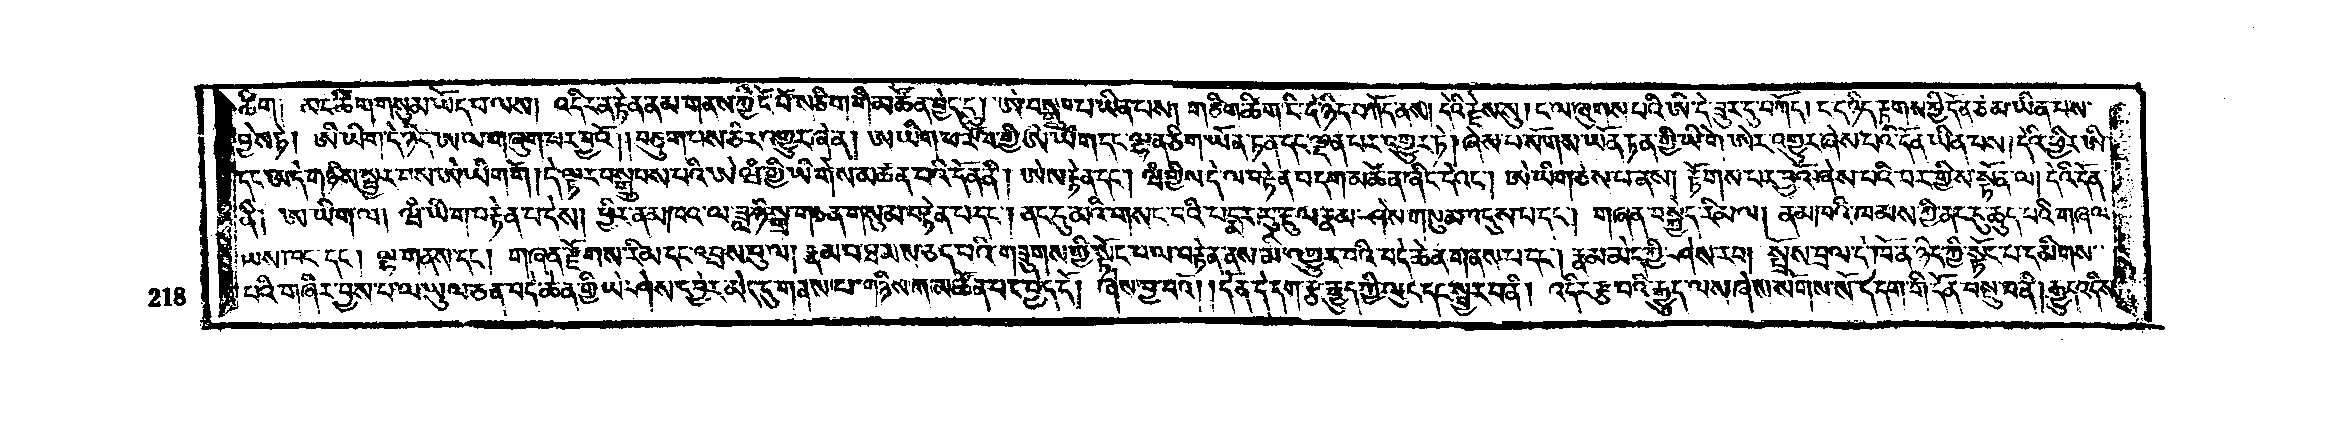ཚིག །མང་ཚིག་གསུམ་ཡོད་པ་ལས། འདིར་ནི་རྟེན་ནམ་གནས་ཀྱི་ངོ་བོ་གཅིག་གི་མཚོན་བྱེད་དུ། ཨེ་བསྒྲུབ་པ་ཡིན་པས། གཅིག་ཚིག་དི་དེ་ཉིད་བཀོད་ནས། དེའི་རྗེས་སུ། ང་ལ་ཞུགས་པའི་ཨི་དེ་ཟུར་དུ་བཀོད། ང་དེ་ཉིད་རྟགས་ཀྱི་དོན་ཙམ་ཡིན་པས་
ཕྱིས་ཏེ། ཨི་ཡིག་དེ་ཉིད་ཨ་ལ་གཞུག་པར་བྱའོ། །བཅུག་པས་ཅིར་འགྱུར་ཞེ་ན། ཨ་ཡིག་ཕ་རོལ་གྱི་ཨི་ཡིག་དང་ལྷན་ཅིག་ཡོན་ཏན་དང་ལྡན་པར་འགྱུར་ཏེ། ཞེས་པ་སོགས་ཡོན་ཏན་གྱི་ཡི་གེ་ཨེར་འགྱུར་ཞེས་པའི་དོན་ཡིན་པས། དེའི་ཕྱིར་ཨི་
དང་ཨ་དེ་གཉིས་སྦྱར་བས་ཨེ་ཡིག་གོ །དེ་ལྟར་བསྒྲུབས་པའི་ཨ་ཝཾ་གྱི་ཡི་གེས་མཚན་པའི་དོན་ནི། ཨེ་ས་རྟེན་དང་། ཝཾ་གྱིས་དེ་ལ་བརྟེན་པ་དག་མཚོན་ཞིང་དེའང་། ཨེ་ཡིག་ཅེས་པ་ནས། རྟོགས་པར་བྱའོ་ཞེས་པའི་བར་གྱིས་སྟོན་ལ། དེའི་དོན་
ནི༑ ཨ་ཡིག་ལ། ཝཾ་ཡིག་བརྟེན་པ་དེས། ཕྱིར་ནམ་མཁའ་ལ་ཟླ་ཉི་སྒྲ་གསན་གསུམ་བརྟེན་པ་དང་། ནང་དུ་མའི་གསང་བའི་པདམར་ཁུ་རྡུལ་རྣམ་ཤེས་གསུམ་འདུས་པ་དང་། གཞན་བསྐྱེད་རིམ་ལ། ནམ་མཁའི་ཁམས་ཀྱི་ནང་དུ་ཆུད་པའི་གཞལ་
ཡས་ཁང་དང་། ལྷ་གནས་དང་། གཞན་རྫོགས་རིམ་དང་?་བུ་ལ། རྣམ་པ་ཐམས་ཅད་པའི་གཟུགས་ཀྱི་སྟོང་པ་ལ་བརྟེན་ནས་མི་འགྱུར་པའི་བདེ་ཆེན་གནས་པ་དང་། རྣམ་མེད་ཀྱི་ཤེས་རབ། སྤྲོས་བྲལ་དེ་ཁོ་ན་ཉིད་ཀྱི་སྟོང་པ་དམིགས་
པའི་གཞིར་བྱས་པ་ལ་ཡུལ་ཅན་བདེ་ཆེན་གྱི་ཡེ་ཤེས་དབྱེར་མེད་དུ་གནས་པ་གཉིས་ཀ་མཚོན་པར་བྱེད་དོ། ཞེས་བྱ་བའོ། །དོན་དེ་དག་རྩ་རྒྱུད་ཀྱི་ལུང་དང་སྦྱར་བ་ནི། འདིར་རྩ་བའི་རྒྱུད་ལས་ཞེས་སོགས་སོ་དེ་དག་གི་དོན་བསྡུ་བ་ནི། རྒྱུད་འདིས་